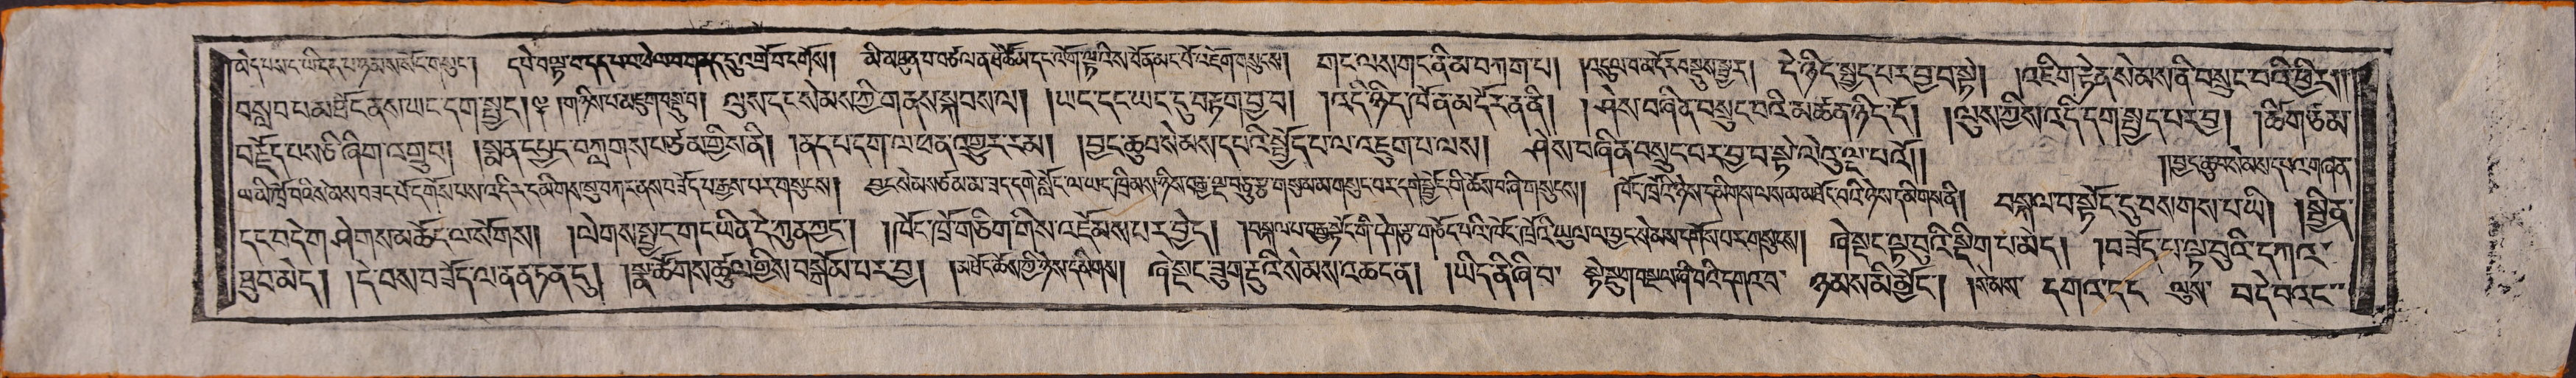མེད་པས་ང་ཡི་དད་པ་ཉམས་སོང་གསུང་། དཔེ་བལྟ་བ་དད་པ་འཕེལ་བ་གནད་དུ་འགྲོ་བ་དགོས། མི་མཐུན་པ་བཙལ་ན་ཐེ་ཚོམ་དང་ལོག་ལྟའི་ས་བོན་མང་པོ་འཇོག་གསུངས། གང་ལས་གང་ནི་མ་བཀག་པ། །འདུལ་བ་མདོར་བསྡུས་སྦྱར། དེ་ཉིད་སྦྱད་པར་བྱ་བ་སྟེ། །འཇིག་རྟེན་སེམས་ནི་བསྲུང་བའི་ཁྱིར།
བསླབ་པ་མཐོང་ནས་ཡང་དག་སྤྱད། ༈ །གཉིས་པ་མཇུག་བསྡུ་བ། ལུས་དང་སེམས་ཀྱི་གནས་སྐབས་ལ། །ཡང་དང་ཡང་དུ་བརྟག་བྱ་བ། །འདི་ཉིད་ཁོན་མདོར་ན་ནི། །ཞེ་བཞིན་བསྲུང་བའི་མཚན་ཉིད་དོ། །ལུས་ཀྱིས་འདི་དག་སྤྱད་བར་བྱ། །ཚོག་ཙམ་
བརྗོད་པས་ཅི་ཞིག་འགྲུབ། །སྨན་དཔྱད་བཀླགས་པ་ཙམ་གྱིས་ནི། །ནད་པ་དག་ལ་ཕན་འགྱུར་རམ། །བྱང་ཆུབ་སེམས་དཔའི་སྤྱོད་པ་ལ་འཇུག་པ་ལས། ཤེས་བཞིན་བསྲུང་བར་བྱ་བསྟེ་ལེའི་ལྔ་པའོ།། །བྱང་ཆུབ་སེམས་དཔའ་ཏང་ན་
ལ་མི་ཁྲོ་བའི་སེམས་བཟང་པོ་དགོས་པས་འདིར་དམིགས་སུ་བཀར་ནས་བཟོད་པ་རྒྱས་པར་གསུངས། བྱང་སེམས་ཙམ་མ་ཟང་དགེ་སློང་ལ་ཡང་ཁྲིམས་ཉིས་བརྒྱ་ལྔ་འདྲུ་རྩ་གསུང་མ་གསུངས་བར་དག་སྦྱོང་གི་ཆོས་བཞི་གསུངས། ཁོང་ཁྲོའི་ཉེས་དམིགས་བསལ་ས་མཐོང་པའི་ཉེས་དམིགས་ནི། བསྐལ་བ་སྟོང་དུ་བསགས་པ་ཡི། །སྦྱིན་
དང་བདེ་གཤེགས་མཆོད་ལ་སོགས། ༑ལེགས་སྤྱད་གང་ཡིན་དེ་ཀུན་ཀྱང་། །ཁོང་ཁྲོ་གཅིག་གིས་འཇོམས་པར་བྱེད། །བསྐལ་བ་བརྒྱ་སྟོང་གི་དགེ་རྩ་གཅོད་བའི་ཁོང་ཁྲོའི་ཡུལ་ལ་བྱང་སེམས་དགོས་པར་གསུངས། ཞེ་སྡང་ལྟ་བུའི་སྡིག་པ་མེད། །བཟོད་པ་ལྟ་བུའི་དཀའ་
ཐུབ་མེད། །དེ་བས་བཟོད་ལན་ན་ཏན་དུ། །སྣ་ཚོགས་ཚུལ་གྱིས་བསྒོམ་པར་བྱ། །མཐོང་ཆོས་ཀྱི་ཉེས་དམིགས། ཞེ་སྡང་ཟུག་རྡུའི་སེམས་འཆང་ན། །ཡིད་ནི་ཞི་བ་སྟེ་སྡུག་བསྔལ་ཞི་བའི་དགའ་བ་ཉམས་མི་སྐྱོང་། །སེམས་དགའ་དང་ལུས་བདེ་ངང་དང་